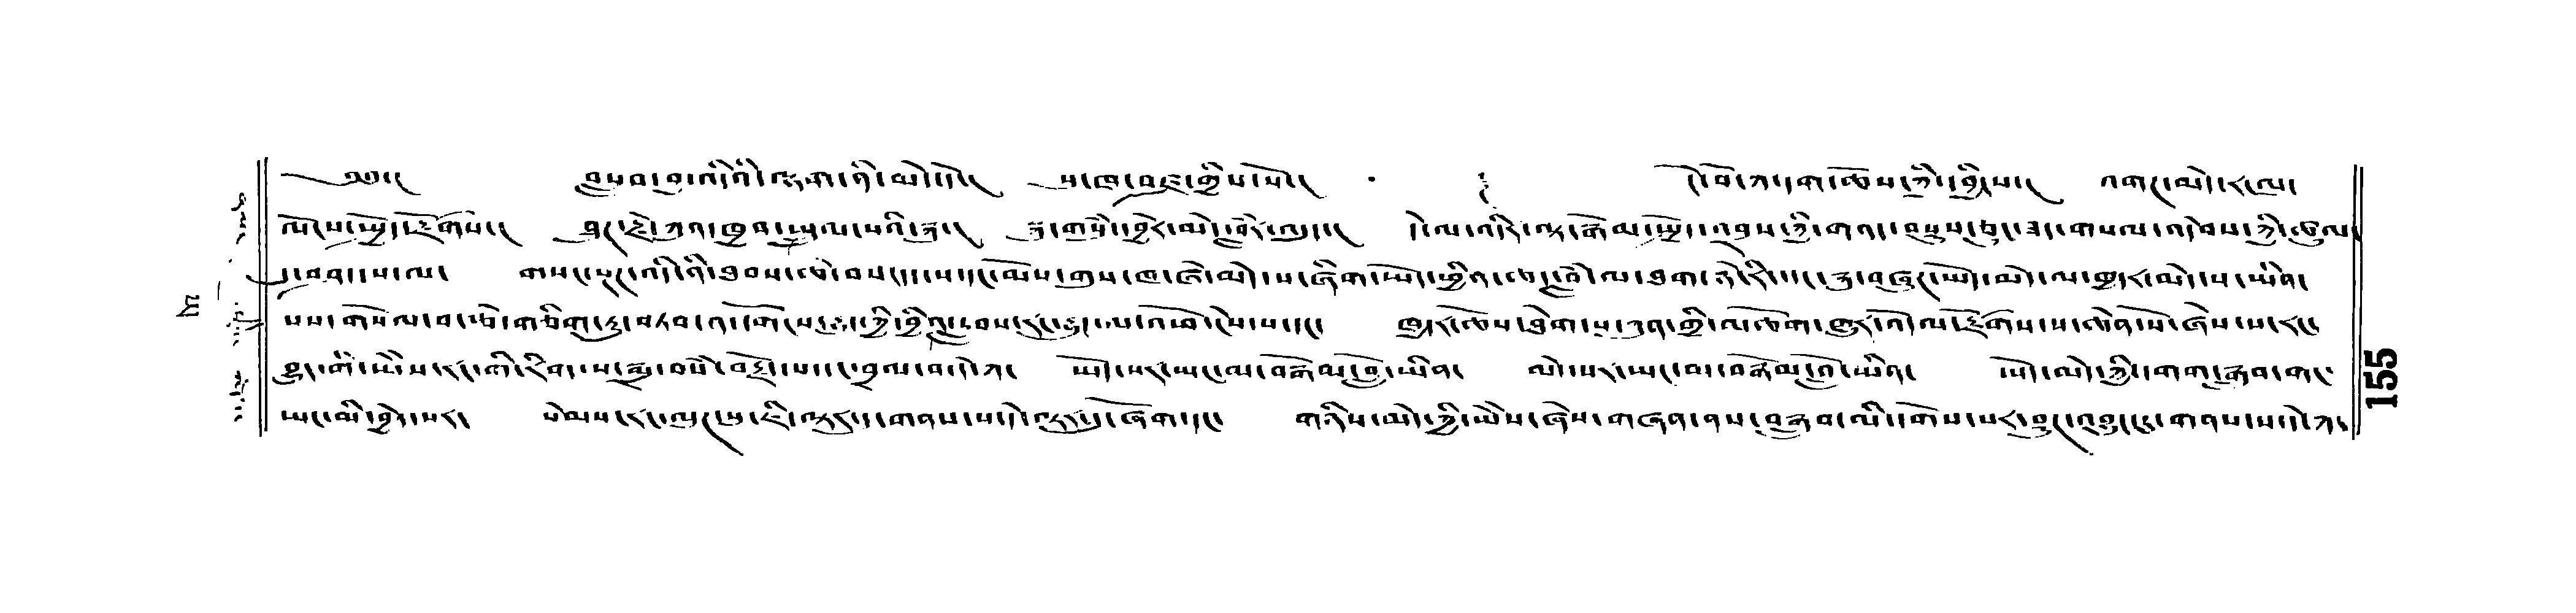བསླབ་བྱ་འདིའི་ལྷག་ནི་མེད་དོ། སུ་ཁ་བཛྲ་གྱིས་སོ། ༈ ངོ་བོ་ཀ་དག་ཆོས་ཀྱི་དབྱིངས། །འགག་མེད་རང་གསལ་
ལོངས་སྤྱོད་རྫོགས། །ཐུགས་རྗེ་ཀུན་ཁྱབ་སྤྲུལ་པའི་སྐུ། །སྐུ་གསུམ་དབྱེར་མེད་བླ་མར་འདུད། །དེ་ལ་འདིར་ལྟ་སྒོམ་སྤྱོད་འབྲས་ཀྱི་གནད་བསྡུས་ཅུང་ཟད་གསལ་འདེབས་ཀྱི་ཚུལ་
དུ་བཤད་པ་ལ། །གསང་སྔགས་འདི་ནི་ཐབས་ཆེ་བས་དད་པ་དང་མོས་གུས་ཁ་ཞེ་མེད་པ་ཞིག་ཡོད་ཕྱིན་ཆད་བླ་མ་ལ་ཐག་ཉེ་རིང་དང་སྐུ་བཞུགས་ཡོད་མེད་ལ་ཁྱད་པར་མེད་པ་ཡིན་
པས་གསོལ་བ་རྩེ་གཅིག་ཏུ་བཏབ་ན་དགོངས་རྒྱུད་ཀྱི་བྱིན་རླབས་རང་རྒྱུད་ལ་འཕོ་ངེས་པ་དང་།ཁྱད་པར་ཆོས་ཐེག་པ་ཀུན་གྱི་མཆོག་གྱུར་འོད་གསལ་རྫོགས་པ་ཆེན་པོ་ཞེས་པ་རང་
བྱུང་གི་ཡེ་ཤེས་རང་གི་རིག་པ་སྨྲ་བསམ་བརྗོད་པ་དང་བྲལ་བ་དེ་ཀ་ཡོད་པར་ཡང་མ་བསྒོམ་བློ་ཡིན། མེད་པར་ཡང་མ་བསྒོམ་བློ་ཡིན། ཡོད་མེད་ཀྱི་དགག་སྒྲུབ་གང་
ཡང་མི་བྱེད་པར། སེམས་རང་ལུགས་སུ་ཇི་ལྟར་དུ་གནས་པ་དེ་ལྟར་དུ་ཞོག་དང་། གཉིས་མེད་ཀྱི་ཡེ་ཤེས་ཞེས་གཞན་ནས་བསྒྲུབ་མི་དགོས་པར་ཤུགས་འབྱུང་དུ་གནས་པ་དེ་ཀ་